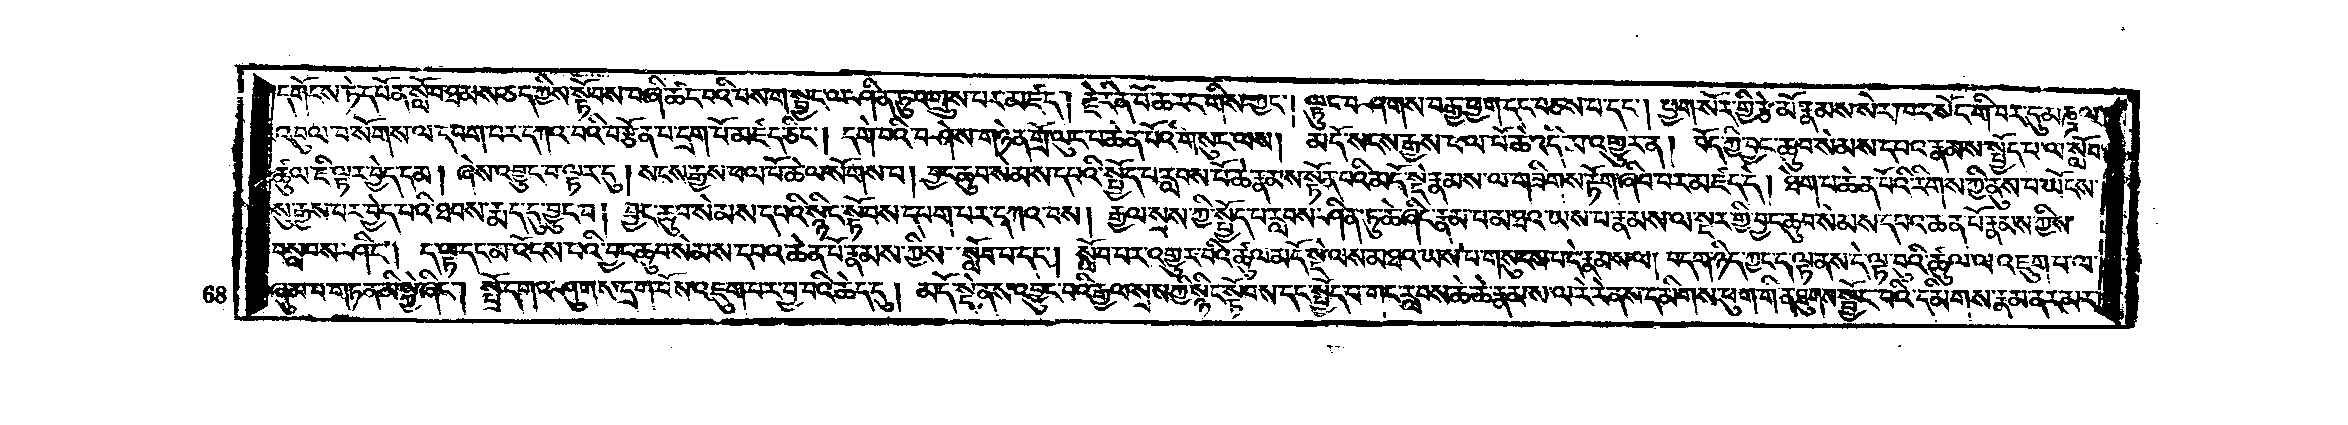དགོངས་ཏེ་དཔོན་སློབ་ཐམས་ཅད་ཀྱིས་སྟོབས་བཞི་ཚང་བའི་བསག་སྦྱང་ལ་ཤིན་ཏུ་འགྲུས་པར་མཛད། རྗེ་རིན་པོ་ཆེ་རང་གིས་ཀྱང་། ལྟུང་བཤགས་བརྒྱ་ཕྱག་དང་བཅས་པ་དང་། ཕྱག་སོར་གྱི་རྩེ་མོ་རྣམས་སེར་ཁར་སོང་གི་བར་དུ་མཎྜལ་
འབུལ་བ་སོགས་ལ་དབག་པར་དཀའ་བའི་བརྩོན་པ་དྲག་པོ་མཛད་ཅིང་། དགེ་བའི་བཤེས་གཉེན་གྲོ་ལུང་པ་ཆེན་པོའི་གསུང་ལས། མདོ་སངས་རྒྱས་ཕལ་པོ་ཆེ་འདི་མ་འགྱུར་ན། བོད་ཀྱི་བྱང་ཆུབ་སེམས་དཔའ་རྣམས་སྤྱོད་པ་ལ་སློབ་
ཚུལ་ཇི་ལྟར་བྱེད་དམ། ཞེས་འབྱུང་བ་ལྟར་དུ། སངས་རྒྱས་ཕལ་པོ་ཆེ་ལ་སོགས་པ། བྱང་ཆུབ་སེམས་དཔའི་སྤྱོད་པ་རླབས་པོ་ཆེ་རྣམས་སྟོན་པའི་མདོ་སྡེ་རྣམས་ལ་གཟིགས་རྟོག་ཞིབ་པར་མཛད་དེ། ཐེག་པ་ཆེན་པོའི་རིགས་ཀྱི་ནུས་པ་ཡོངས་
སུ་རྒྱས་པར་བྱེད་པའི་ཐབས་རྨད་དུ་བྱུང་བ། བྱང་ཆུབ་སེམས་དཔའི་སྙིང་སྟོབས་དཔག་པར་དཀའ་བས། རྒྱལ་སྲས་ཀྱི་སྤྱོད་པ་རླབས་ཤིན་ཏུ་ཆེ་ཞིང་རྣམ་པ་མཐའ་ཡས་པ་རྣམས་ལ་སྔར་གྱི་བྱང་ཆུབ་སེམས་དཔའ་ཆན་པོ་རྣམས་ཀྱིས་
བསླབས་ཤིང་། ད་ལྟ་དང་མ་འོངས་པའི་བྱང་ཆུབ་སེམས་དཔའ་ཆེན་པོ་རྣམས་ཀྱིས་སློབ་པ་དང་། སློབ་པར་འགྱུར་བའི་ཚུལ་མདོ་སྡེ་ལས་མཐའ་ཡས་པ་གསུངས་པ་དེ་རྣམས་ལ། བདག་ཉིད་ཀྱང་ད་ལྟ་ནས་དེ་ལྟ་བུའི་ཚུལ་ལ་འཇུག་པ་ལ་
ཞུམ་པ་གཏན་མི་སྐྱེ་ཞིང་། སྤྲོ་དགའ་ཤུགས་དྲག་པོས་འཇུག་པར་བྱ་བའི་ཆེད་དུ། མདོ་སྡེ་ནས་འབྱུང་བའི་རྒྱལ་སྲས་ཀྱི་སྙིང་སྟོབས་དང་སྤྱོད་པ་གང་རླབས་ཆེ་ཆེ་རྣམས་ལ་རེ་རེ་ནས་དམིགས་ཕུག་གི་ན་ཐུགས་སྦྱོང་བའི་དམིགས་རྣམ་ནར་མར་